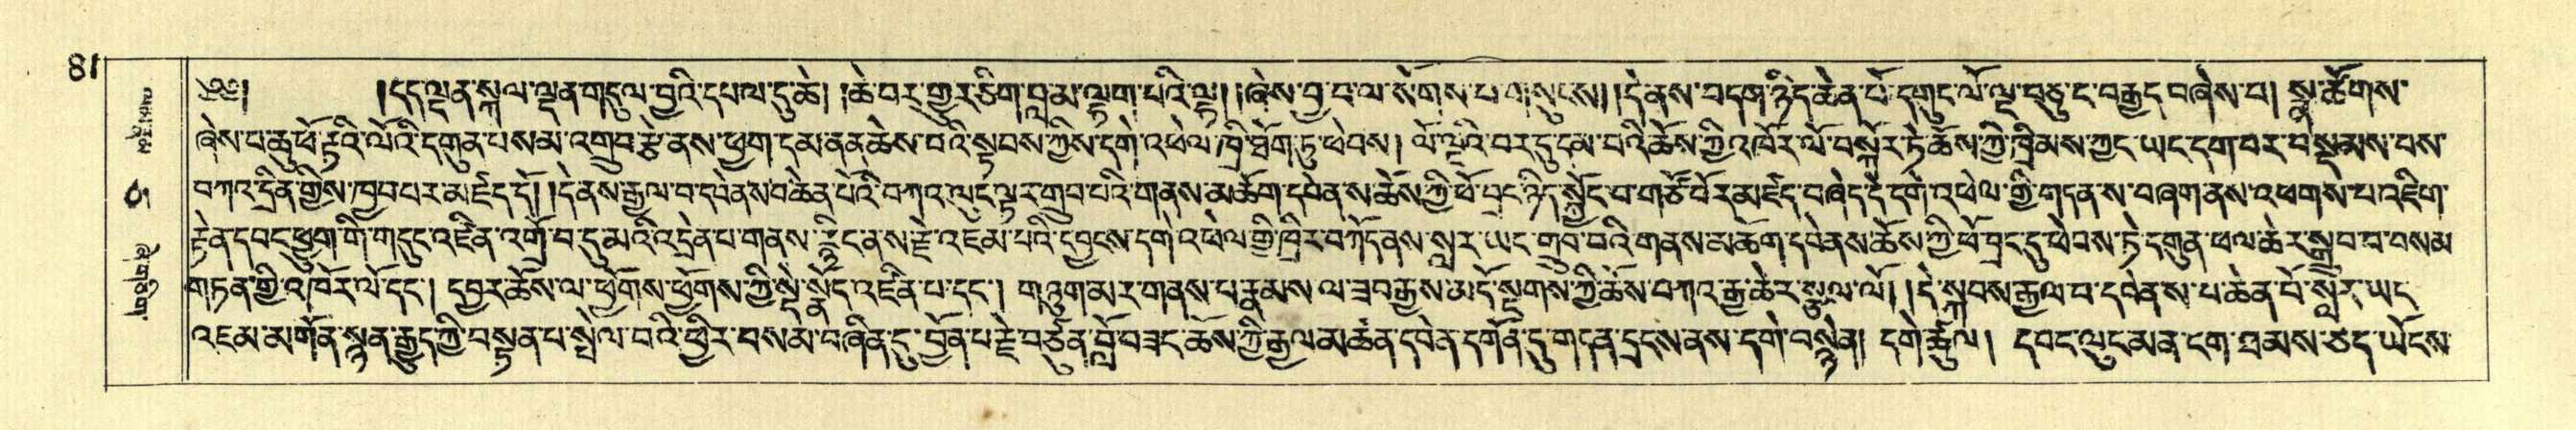༄༅། །དད་ལྡན་སྐལ་ལྡན་གདུལ་བྱའི་དཔལ་དུ་ཆེ། །ཆེ་བར་གྱུར་ཅིག་བླ་མ་ལྷག་པའི་ལྷ། །ཞེས་བྱ་བ་ལ་སོགས་པ་གསུངས། །དེ་ནས་བདག་ཉིད་ཆེན་པོ་དགུང་ལོ་ལྔ་བཅུ་ང་བརྒྱད་བཞེས་པ། སྣ་ཚོགས་
ཞེས་པ་ཆུ་ཕོ་རྟའི་ལོའི་དགུན་བསམ་འགྲུབ་རྩེ་ནས་ཕྱག་དམ་ནན་ཆེས་བའི་སྟབས་ཀྱིས་དགེ་འཕེལ་ཁྲི་ཐོག་ཏུ་ཕེབས། ལོ་ལྔའི་བར་དུ་དམ་པའི་ཆོས་ཀྱི་འཁོར་ལོ་བསྐོར་ཏེ་ཆོས་ཀྱི་ཁྲིམས་ཀྱང་ཡང་དག་བར་བསྡམས་པས་
བཀའ་དྲིན་གྱིས་ཁྱབ་པར་མཛད་དོ། །དེ་ནས་རྒྱལ་བ་དབེན་སབ་ཆེན་པོའི་བཀའ་ལུང་ལྟར་གྲུབ་པའི་གནས་མཆོག་དབེན་ས་ཆོས་ཀྱི་ཕོ་བྲང་ཉིད་སྐྱོང་བ་གཙོ་བོར་མཛད་བཞེད་དེ་དགེ་འཕེལ་གྱི་གདན་ས་བཞག་ནས་འཕགས་པ་འཇིག་
རྟེན་དབང་ཕྱུག་གི་གདུང་འཛིན་འགྲོ་བ་དུ་མའི་འདྲེན་པ་གནས་རྙིང་ནས་རྗེ་འཇམ་པའི་དབྱངས་དགེ་འཕེལ་གྱི་ཁྲིར་བཀོད་ནས་སླར་ཡང་གྲུབ་བའི་གནས་མཆོག་དབེན་ས་ཆོས་ཀྱི་ཕོ་བྲང་དུ་ཕེབས་ཏེ་དགུན་ཕལ་ཆེར་སྒྲུབ་བ་བསམ་
གཏན་གྱི་འཁོར་ལོ་དང་། དབྱར་ཆོས་ལ་ཕྱོགས་ཕྱོགས་ཀྱི་སྡེ་སྣོད་འཛིན་པ་དང་། གཉུག་མར་གནས་པ་རྣམས་ལ་ཟབ་རྒྱས་མདོ་སྔགས་ཀྱི་ཆོས་བཀའ་རྒྱ་ཆེར་སྩལ་ལོ། །དེ་སྐབས་རྒྱལ་བ་དབེན་ས་པ་ཆེན་པོ་སླར་ཡང་
འཇམ་མགོན་སྙན་རྒྱུད་ཀྱི་བསྟན་པ་སྤེལ་བའི་ཕྱིར་བསམ་བཞིན་དུ་བྱོན་པ་རྗེ་བཙུན་བློ་བཟང་ཆོས་ཀྱི་རྒྱལ་མཚན་དབེན་དགོན་དུ་གདན་དྲངས་ནས་དགེ་བསྙེན། དགེ་ཚུལ། དབང་ལུང་མན་ངག་ཐམས་ཅད་ཡོངས་